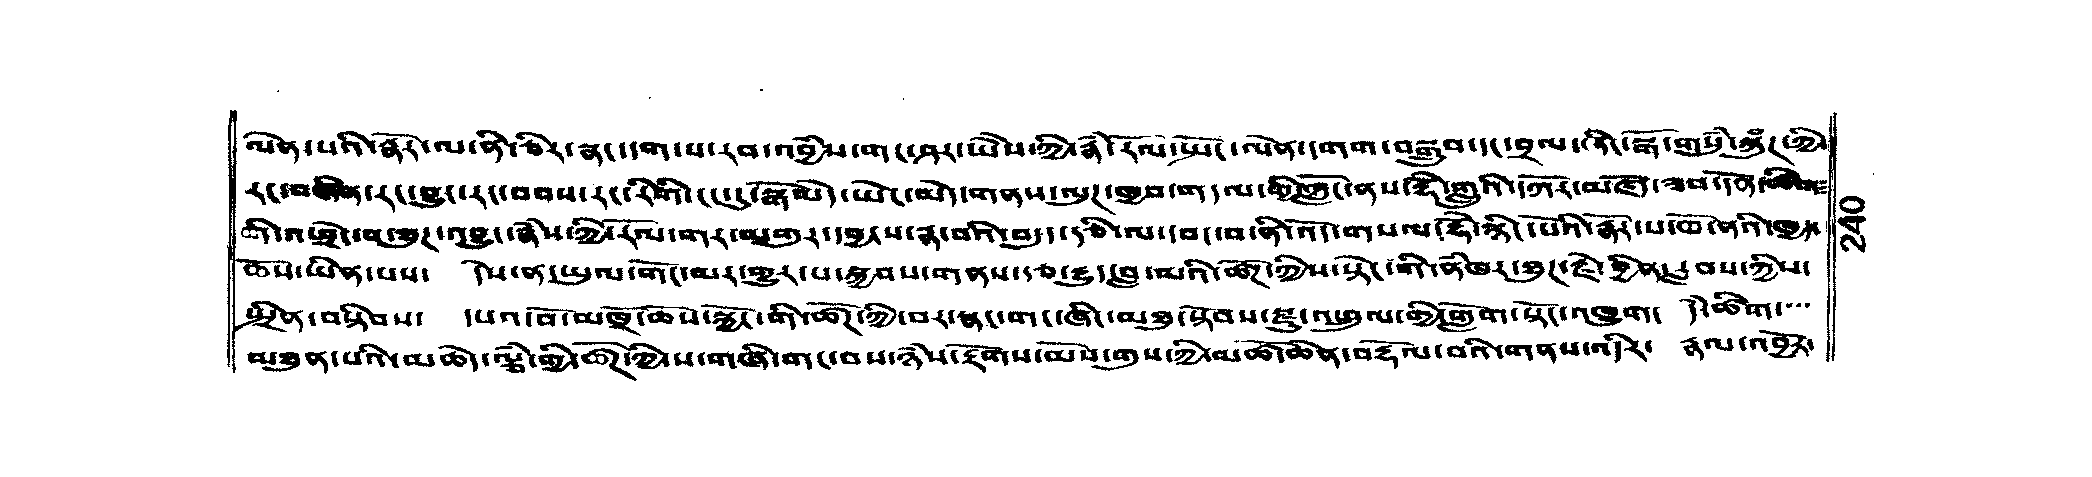ལེན་པའི་རྣལ་འབྱོར་ལ་ནི་ཅིར་སྣང་དག་པ་རབ་འབྱམས་གང་ཤར་ཡེ་ཤེས་ཀྱི་རྣམ་རོལ་སྤོང་ལེན་དགག་བསྒྲུབ་དང་བྲལ་ཞིང་སྒོ་གསུམ་སྐུ་གསུང་ཐུགས་ཀྱི་
རང་བཞིན་རང་བྱུང་རང་བབས་རང་རིག་གི་ངང་དུ་སྒོམ་མེད་ཡེངས་མེད་གནས་ལུགས་ཁྱབ་གདལ་གྱི་ཀློང་ནས་རྡོ་རྗེ་གླུའི་དཀོར་མཛོད་ཟབ་དོན་ཚིག་
གི་ཕྲེང་བ་ཤུགས་འབྱུང་རྣམས་ཀྱི་རོལ་གར་མགུར་དབྱངས་རྣ་བའི་བདུད་རྩི་ལ་དབང་བ་ནི་འོད་གསལ་རྡོ་རྗེ་སྙིང་པོའི་རྣལ་འབྱོར་པ་ཁོ་ནའི་ཁྱད་
ཆོས་ཡིན་པས། དེས་ན་ཡུལ་གོང་མར་གྱུར་པ་སྐྱབས་གནས་རྩ་རྒྱུད་བླ་མའི་ཚོགས་ཀྱིས་སྟེང་གི་ནམ་མཁར་ཐུགས་རྗེ་བྱིན་རླབས་ཀྱིས་
སྤྲིན་བསྟིབས།དཔའ་བོ་མཁའ་འགྲོ་ཆོས་སྐྱོང་གི་ཚོགས་ཀྱི་བར་སྣང་གང་ཞིང་མཐུ་སྟོབས་རྫུ་འཕྲུལ་གྱི་གློག་སྟོང་འཁྱུག དམ་ཚིག་
མཐུན་པའི་མཆེད་ལྕམ་གྱི་ཚོགས་ཀྱི་ས་གཞི་གང་བས་ཉམས་རྟོགས་མོས་གུས་ཀྱི་མཚོ་ཆེན་བརྡོལ་བའི་གནས་འདིར། རྣལ་འབྱོར་